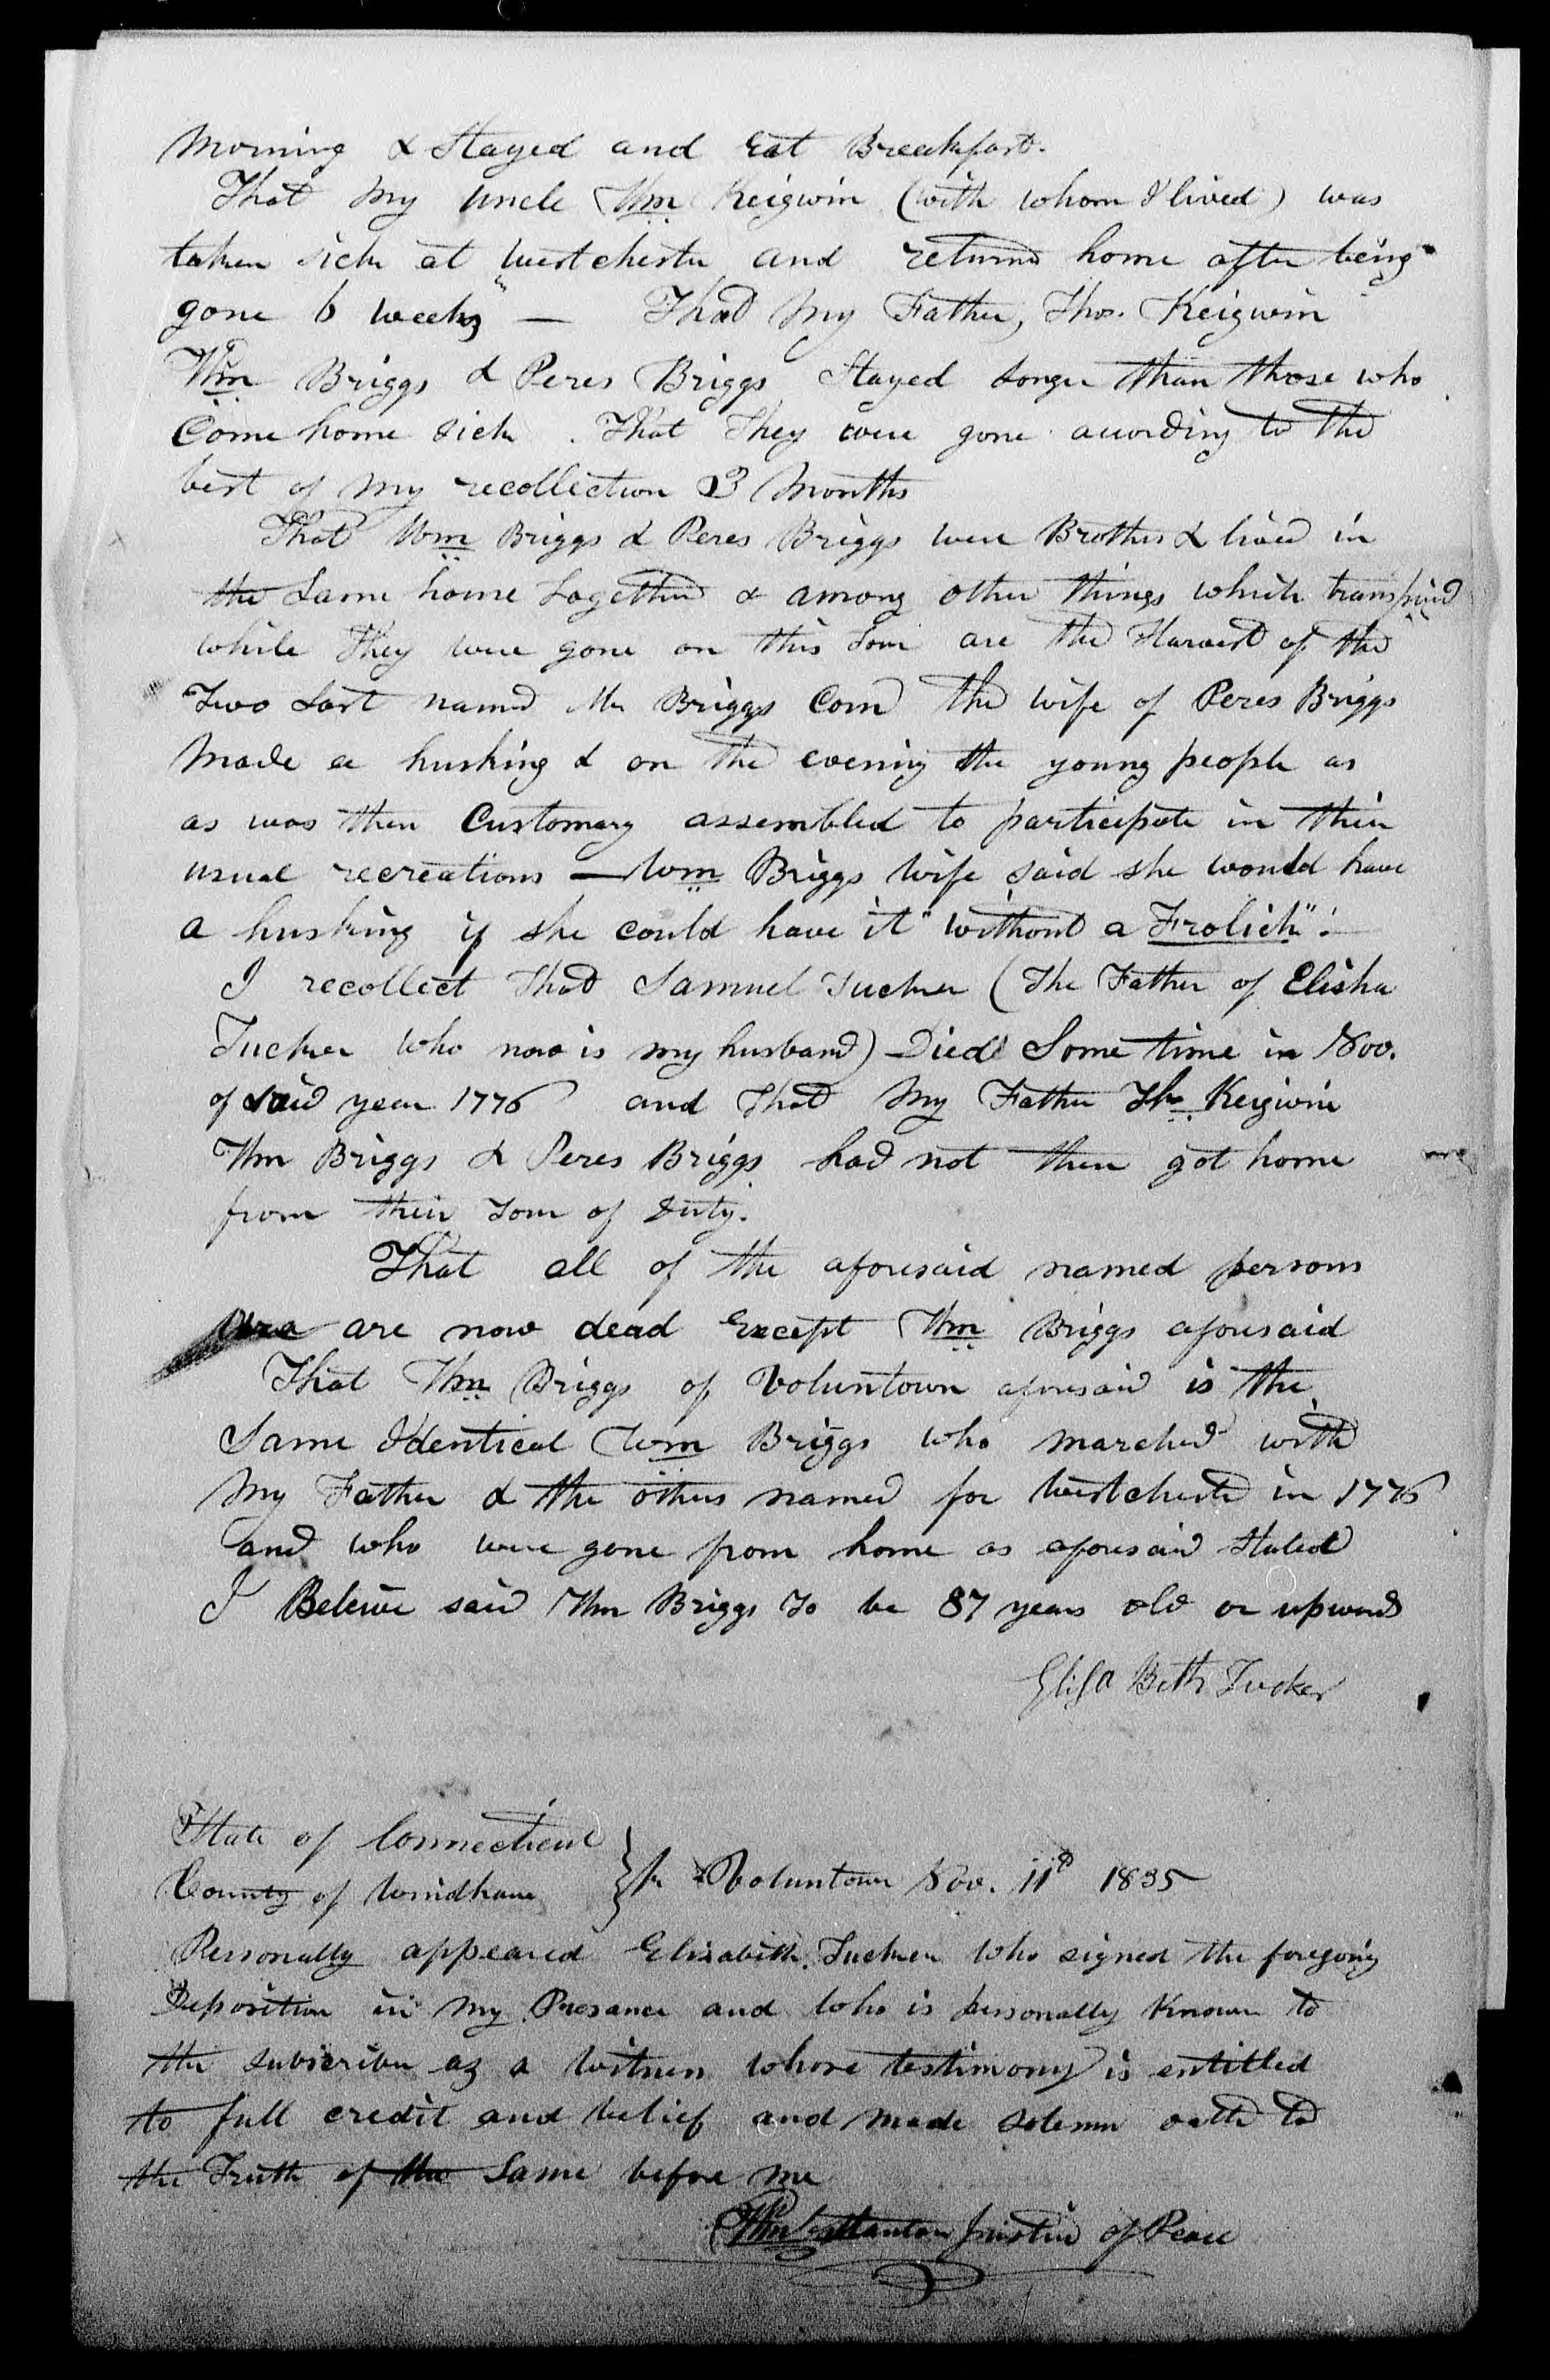morning and stayed and ate breakfast.

That my Uncle Wm Keigwin (with whom I lived) was taken sick at Westchester and returned home after being gone 6 weeks -- That my Father, Thomas Keigwin Wm Briggs & Peres Briggs Stayed longer than those who came home sick.. That they were gone according to the best of my recollection 3 months.

That WM Briggs & Peres Briggs were Brothers and lived in a farm house together & among other things which transpired while they were gone on the Tour are the hardest .... of the two last named  Mrs Briggs Cond the wife of Peres Briggs made a husking & on the evening the young people as as was then customary assembled to participate in their usual recreations ___ Wm Briggs wife said she would  have a husking if she could have it without a Frolick"!

I recollect that Samuel Tucker (The Father of Elisha Tucker who now is my husband) Died some time in Nov. of said year 1776  and That my Father Wm Keigwin Wm Briggs & Peres Briggs had not then got home from their Tour of Duty.

That all the aforesaid named persons are now dead except Wm Briggs aforesaid   That Wm Briggs of Voluntown aforesaid is the same Identical Wm Briggs who marched with my Father & the others named for Westchester in 1775 and, who were gone from home as aforesaid stated   I believe said WM Briggs to be 87 years old or upward
   [Signed]  Elizabeth Tucker

State of Connecticut}
County of WIndham}  Js  Voluntown  Nov.11th 1835

Personally appeared  Elizabeth Tucker who signed the foregoing Deposition in my Presence and who is personally known to the subscriber as a witness whose testimony is entitled to full credit and belief and made solemn oath to the Truth of the same before me
      [Signed]  Jonathan Stanton  
                     Justice of Peace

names: Wm Briggs, Elisabeth Tucker, Wm Briggs, Tho Keigwin, Peres Briggs, Wm Briggs, Peres Briggs, Briggs, Elisabeth Tucker, Peres Briggs, Wm Briggs, Wm Briggs, Wm Briggs, Stanton, Wm Briggs, Peres Briggs, Wm Keigwin, Wm Briggs, Thos Keigwin, Samuel Tucker, Elisha Tucker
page: 35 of 37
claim: survivor's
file: S. 12,281, William Briggs, Conn.